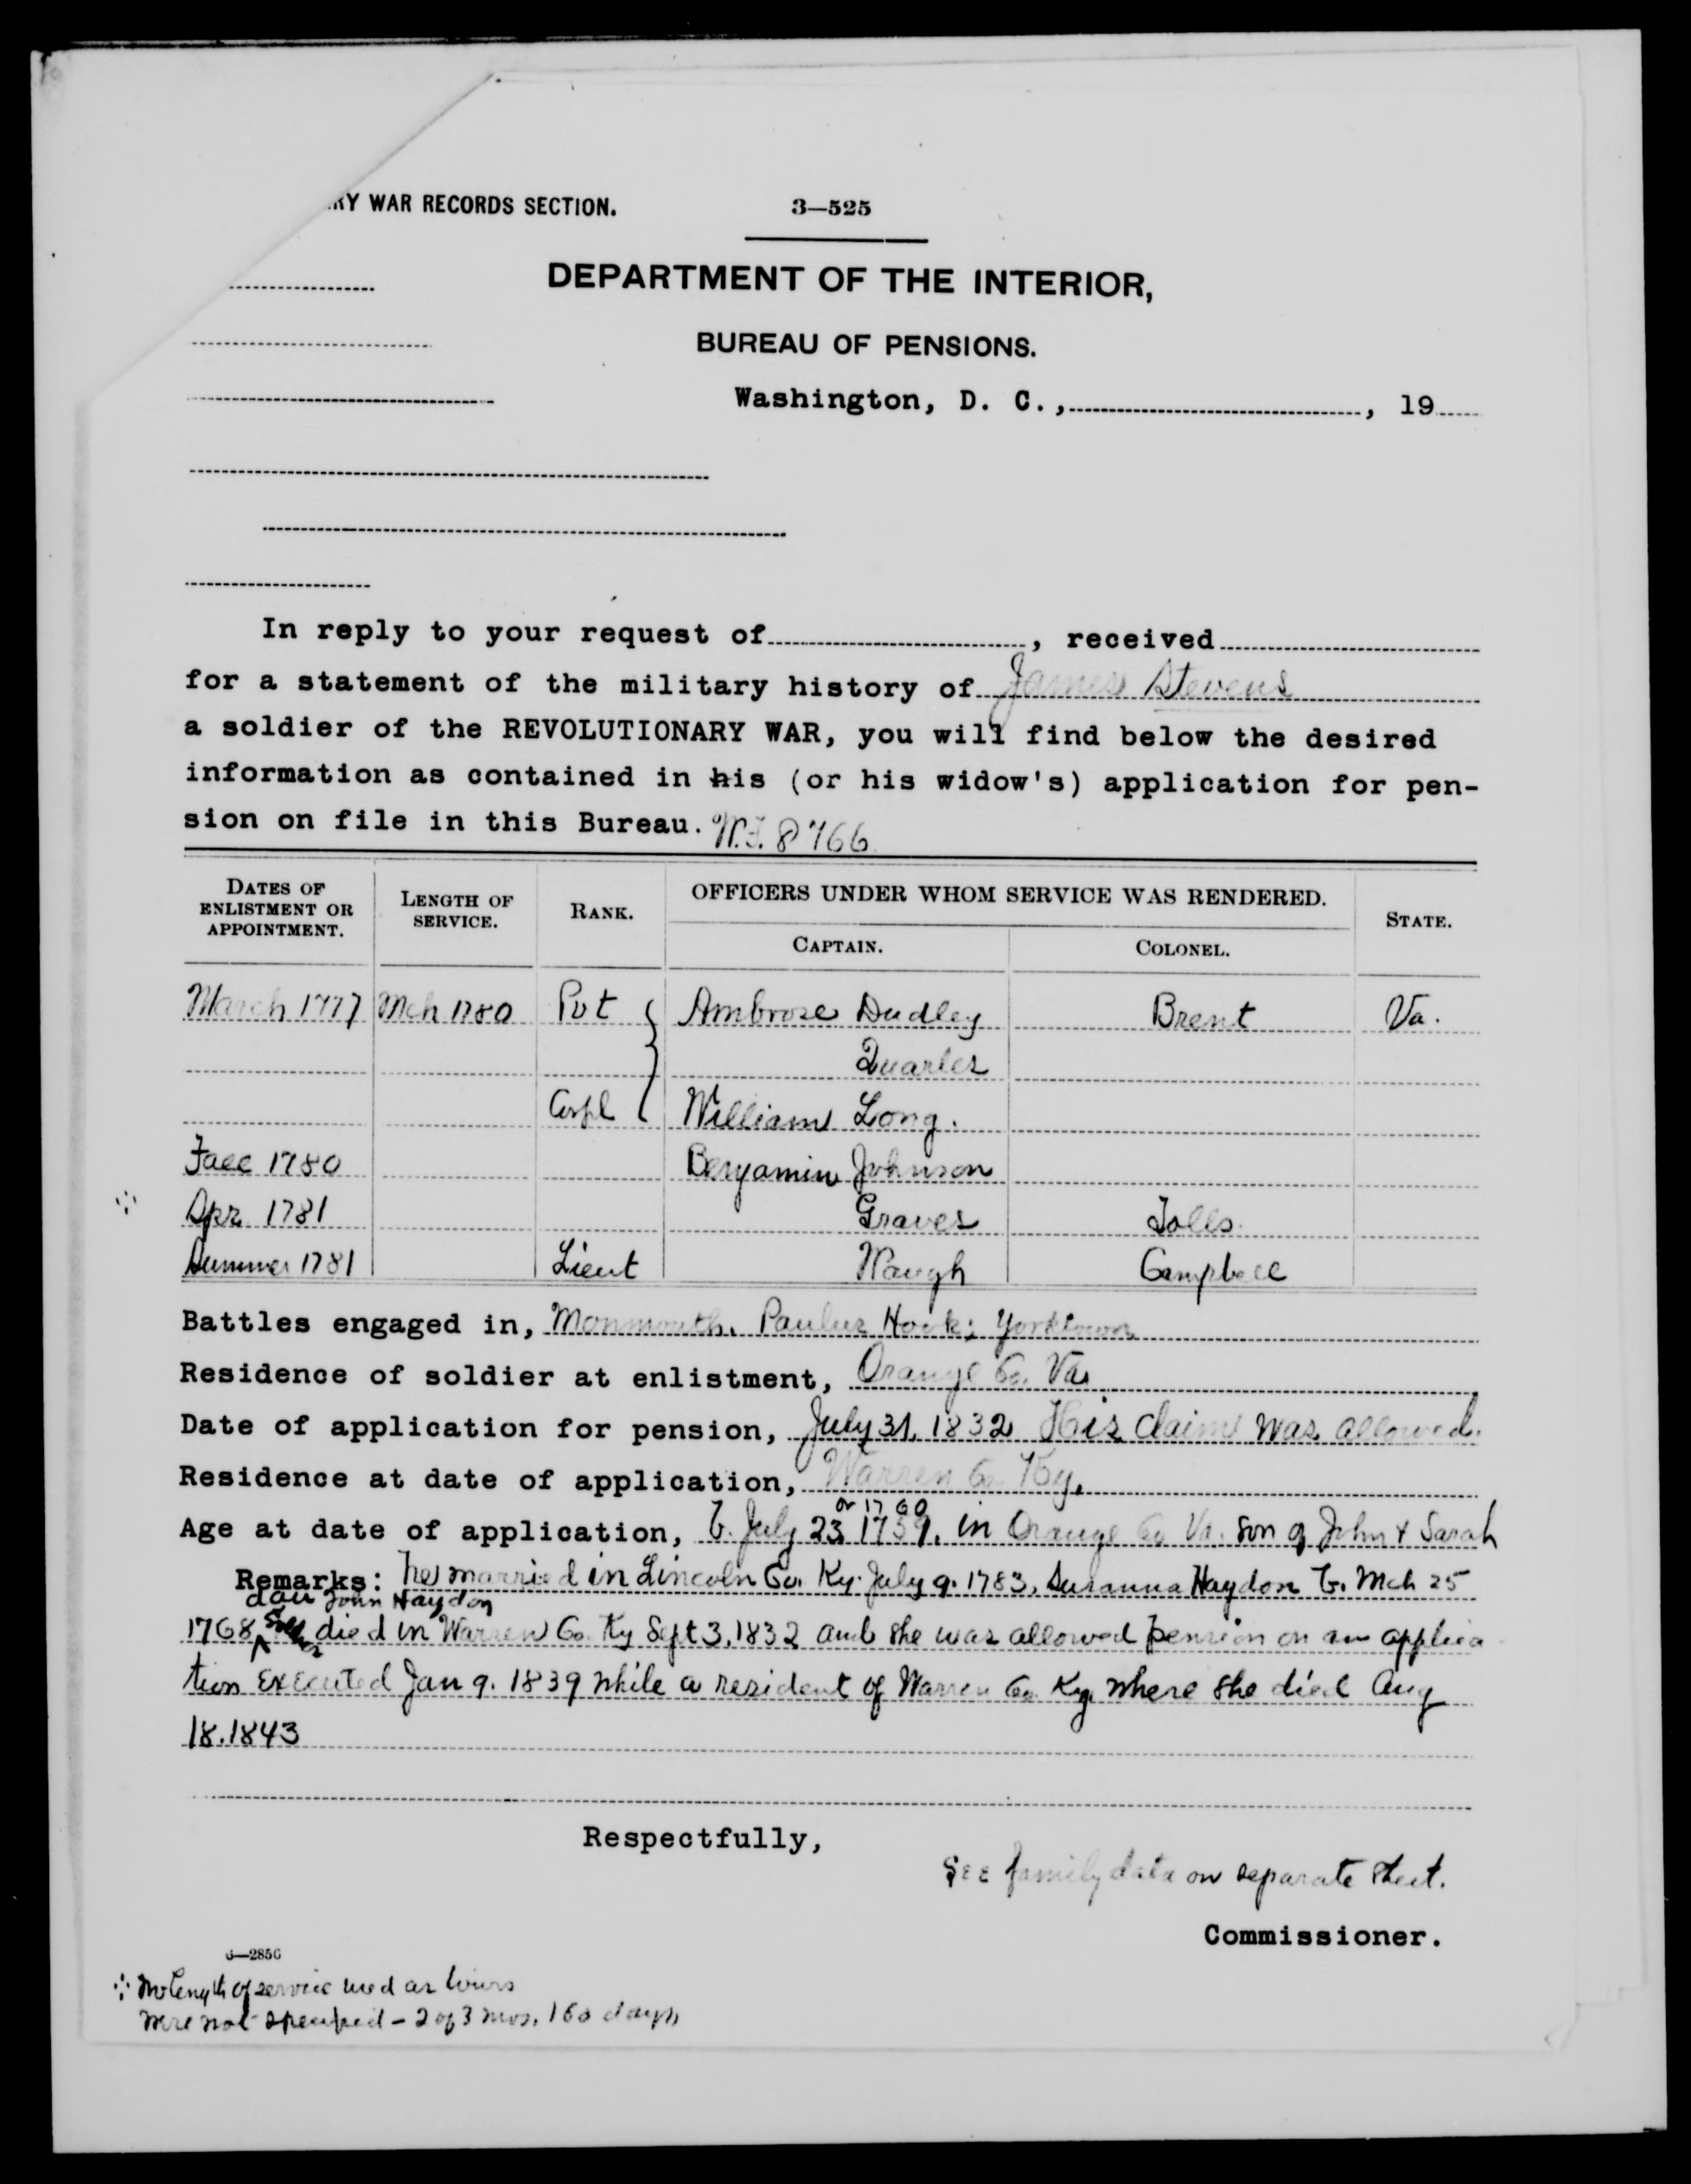[text in page fold illegible] WAR RECORDS SECTION
3-525
DEPARTMENT OF THE INTERIOR,
BUREAU OF PENSIONS.
Washington, D. C.,........, 19.....
In reply to your request of ..., received
for a statement of the military history of James Stevens
a soldier of the REVOLUTIONARY WAR, you will find below the desired
information as contained in his (or his widow's) application for pension
on file in this Bureau. W.F.8766

DATES OF ENLISTMENT OF APPOINTMENT. |
MARCH 1777
FALL 1780
APR 1781
SUMMER 1781
LENGTH OF SERVICE. |
MCH 1780
RANK. | 
Pvt
Corpl
Lieut
OFFICERS UNDER WHOM SERVICE WAS RENDERED. | 
CAPTAIN. | 
Ambrose Dudley
Quarles
William Long.
Benjamin Johnson
Graves
Waugh
COLONEL. | 
Brent
Toles
Campbell
STATE.
Va.
Battles engaged in, Monmouth, Paulus Hook; Yorktown
Residence of soldier at enlistment, Orange Co. Va.
Date of application for pension, July 31, 1832 His claim was allowed.
Residence at date of application, Warren Co. Ky.
Age at date of application, b. July 23, 1759 or 1760, in Orange Co. Va. son of John & Sarah
Remarks: He married in Lincoln Co. Ky July 9, 1783, Susanna Haydon g. Mch 25 1768 ^ soldier day John Haydon died in Warren Co. Ky Sept 3, 1832 and she was allowed pension on an application 
executed Jan 9. 1839 while a resident of Warren Co. Ky. where she died Aug 18, 1843
Respectfully, 
See family data on separate sheet.
Commissioner.
J-285C
Ms length of service used as [illegible]were not specified 2 of 3 months. 160 days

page: 34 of 99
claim: widow's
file: W 8766, for James Stevens, Virginia